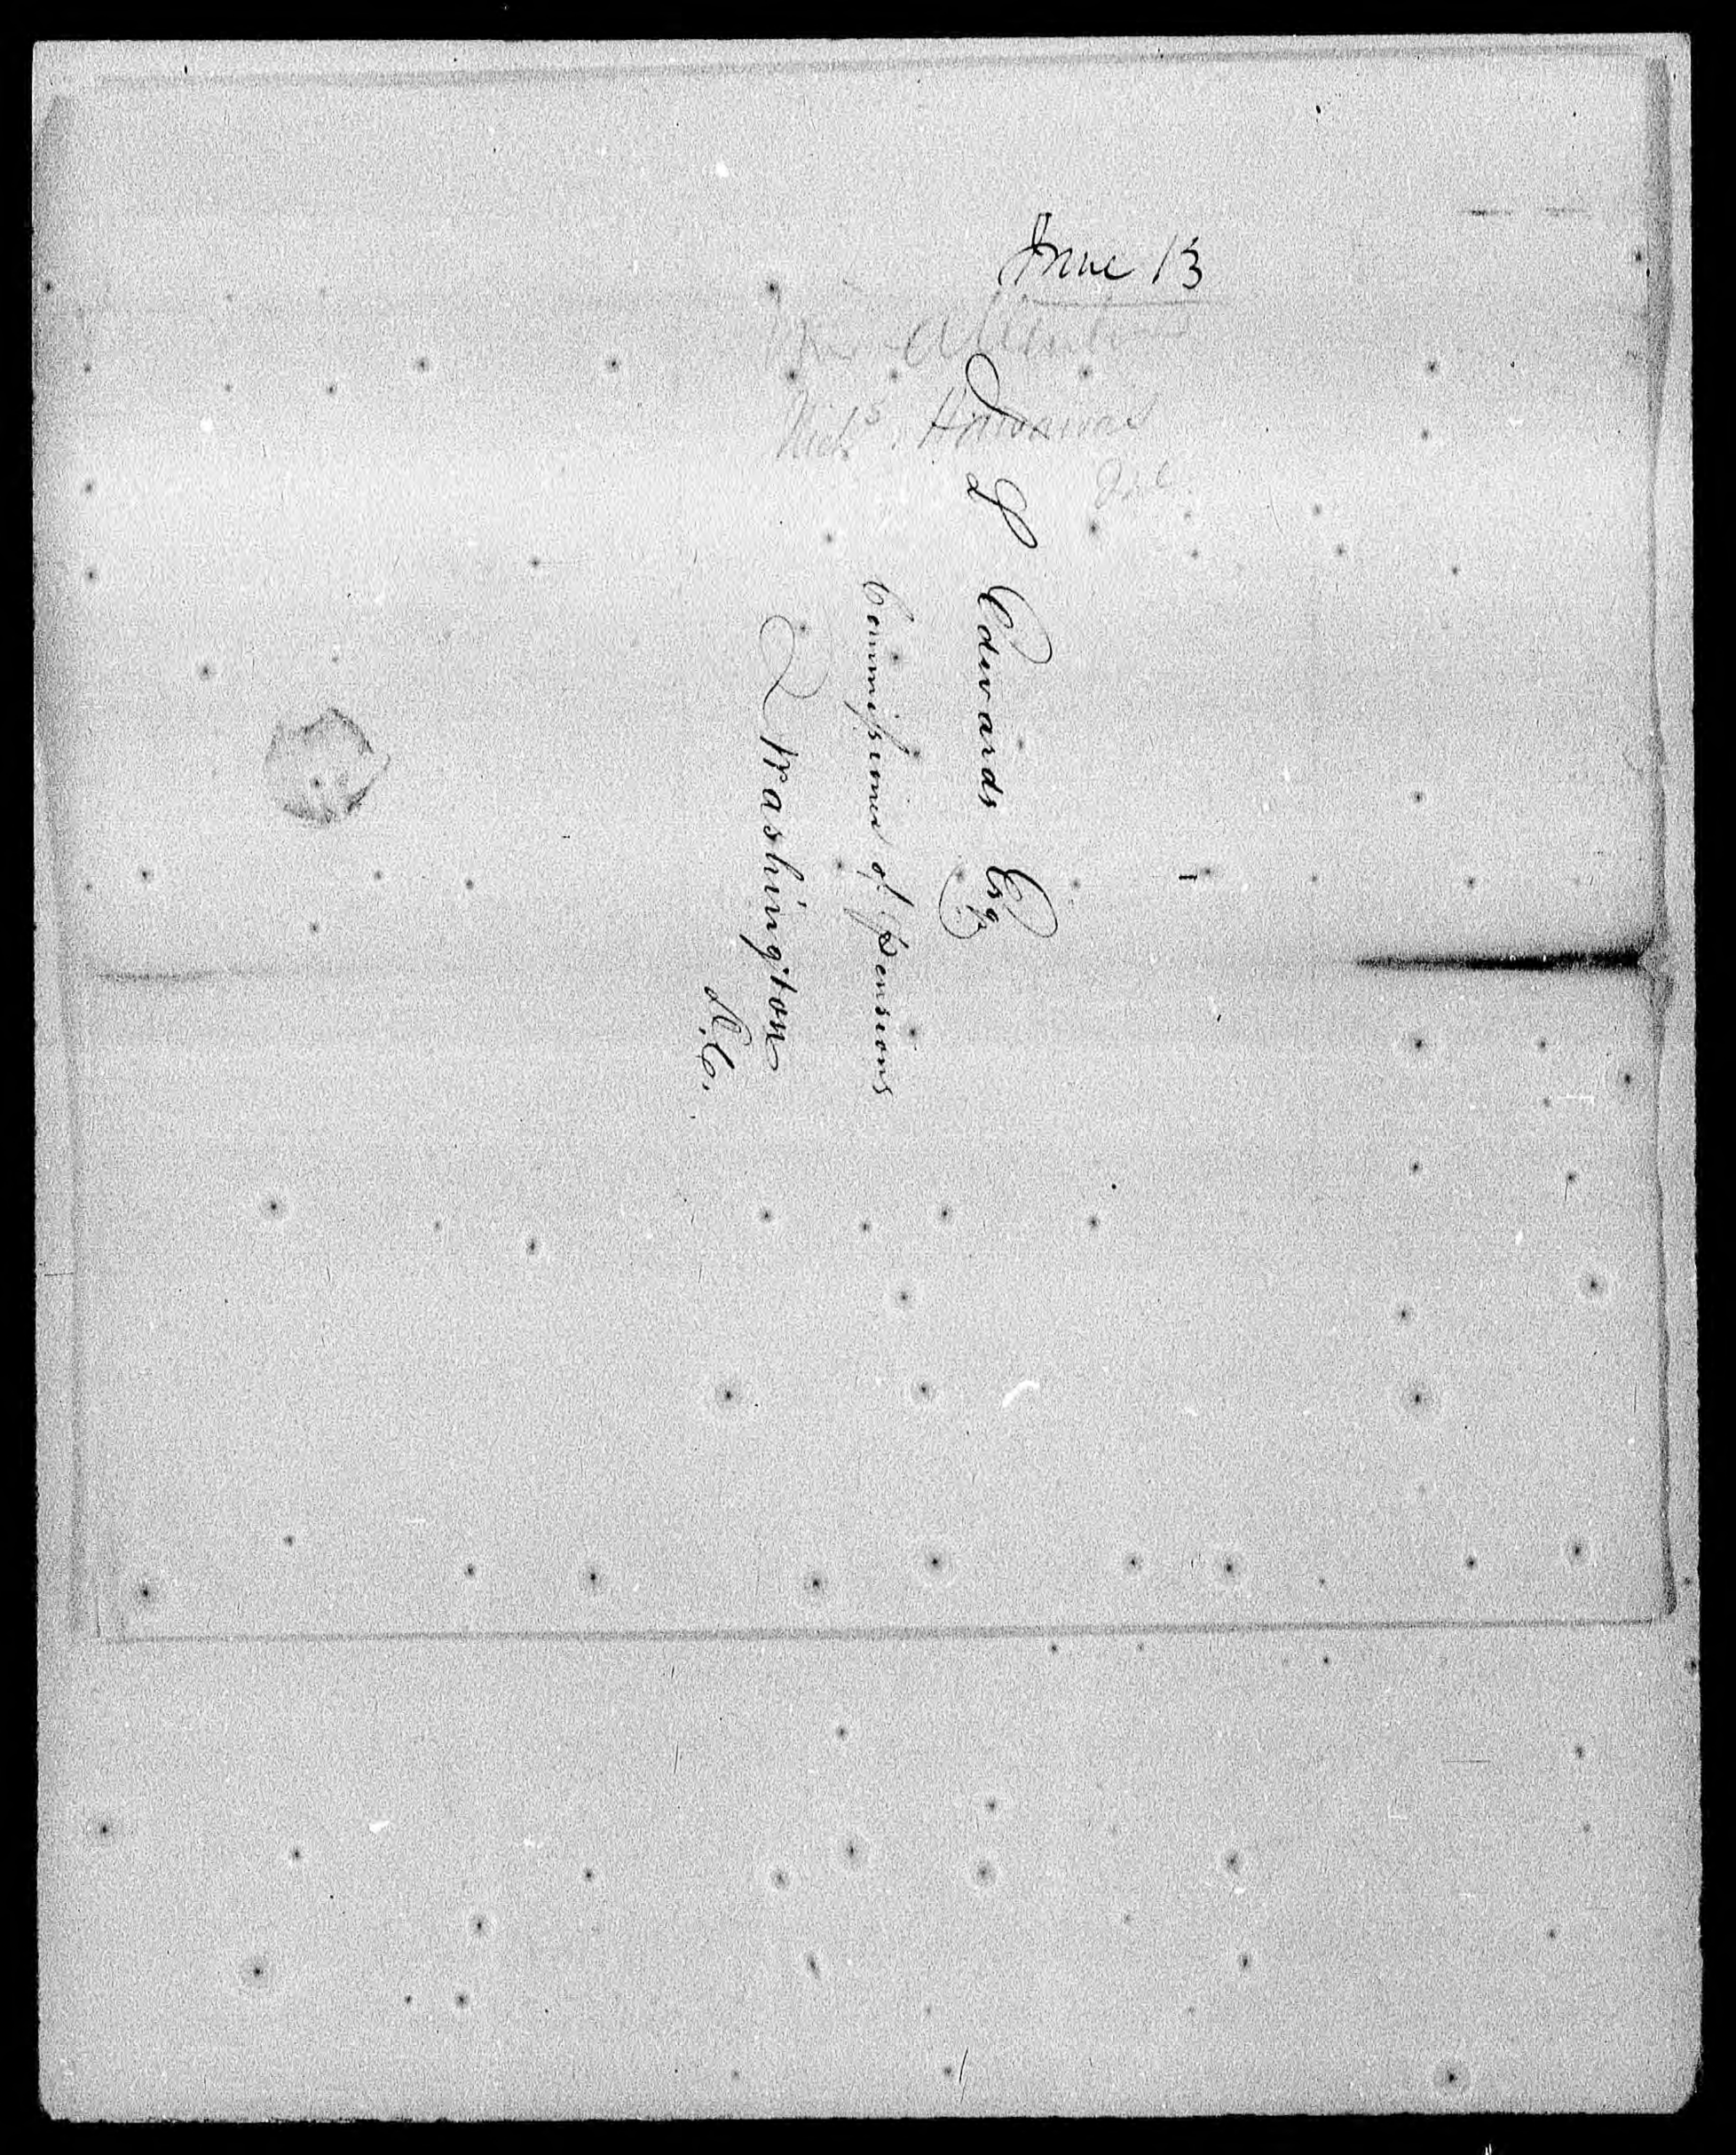[horizontal text]
June 13
[Me?] Allentown
Nichs. Hawawas
Ind.

[vertical text]
J L Edwards Esqr.
Commissioner of pensions
Washington
D.C.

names: Nichs Hawawas, J L Edwards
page: 38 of 52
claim: survivor's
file: S 17997, Nicholas Hawwawas, Mass.